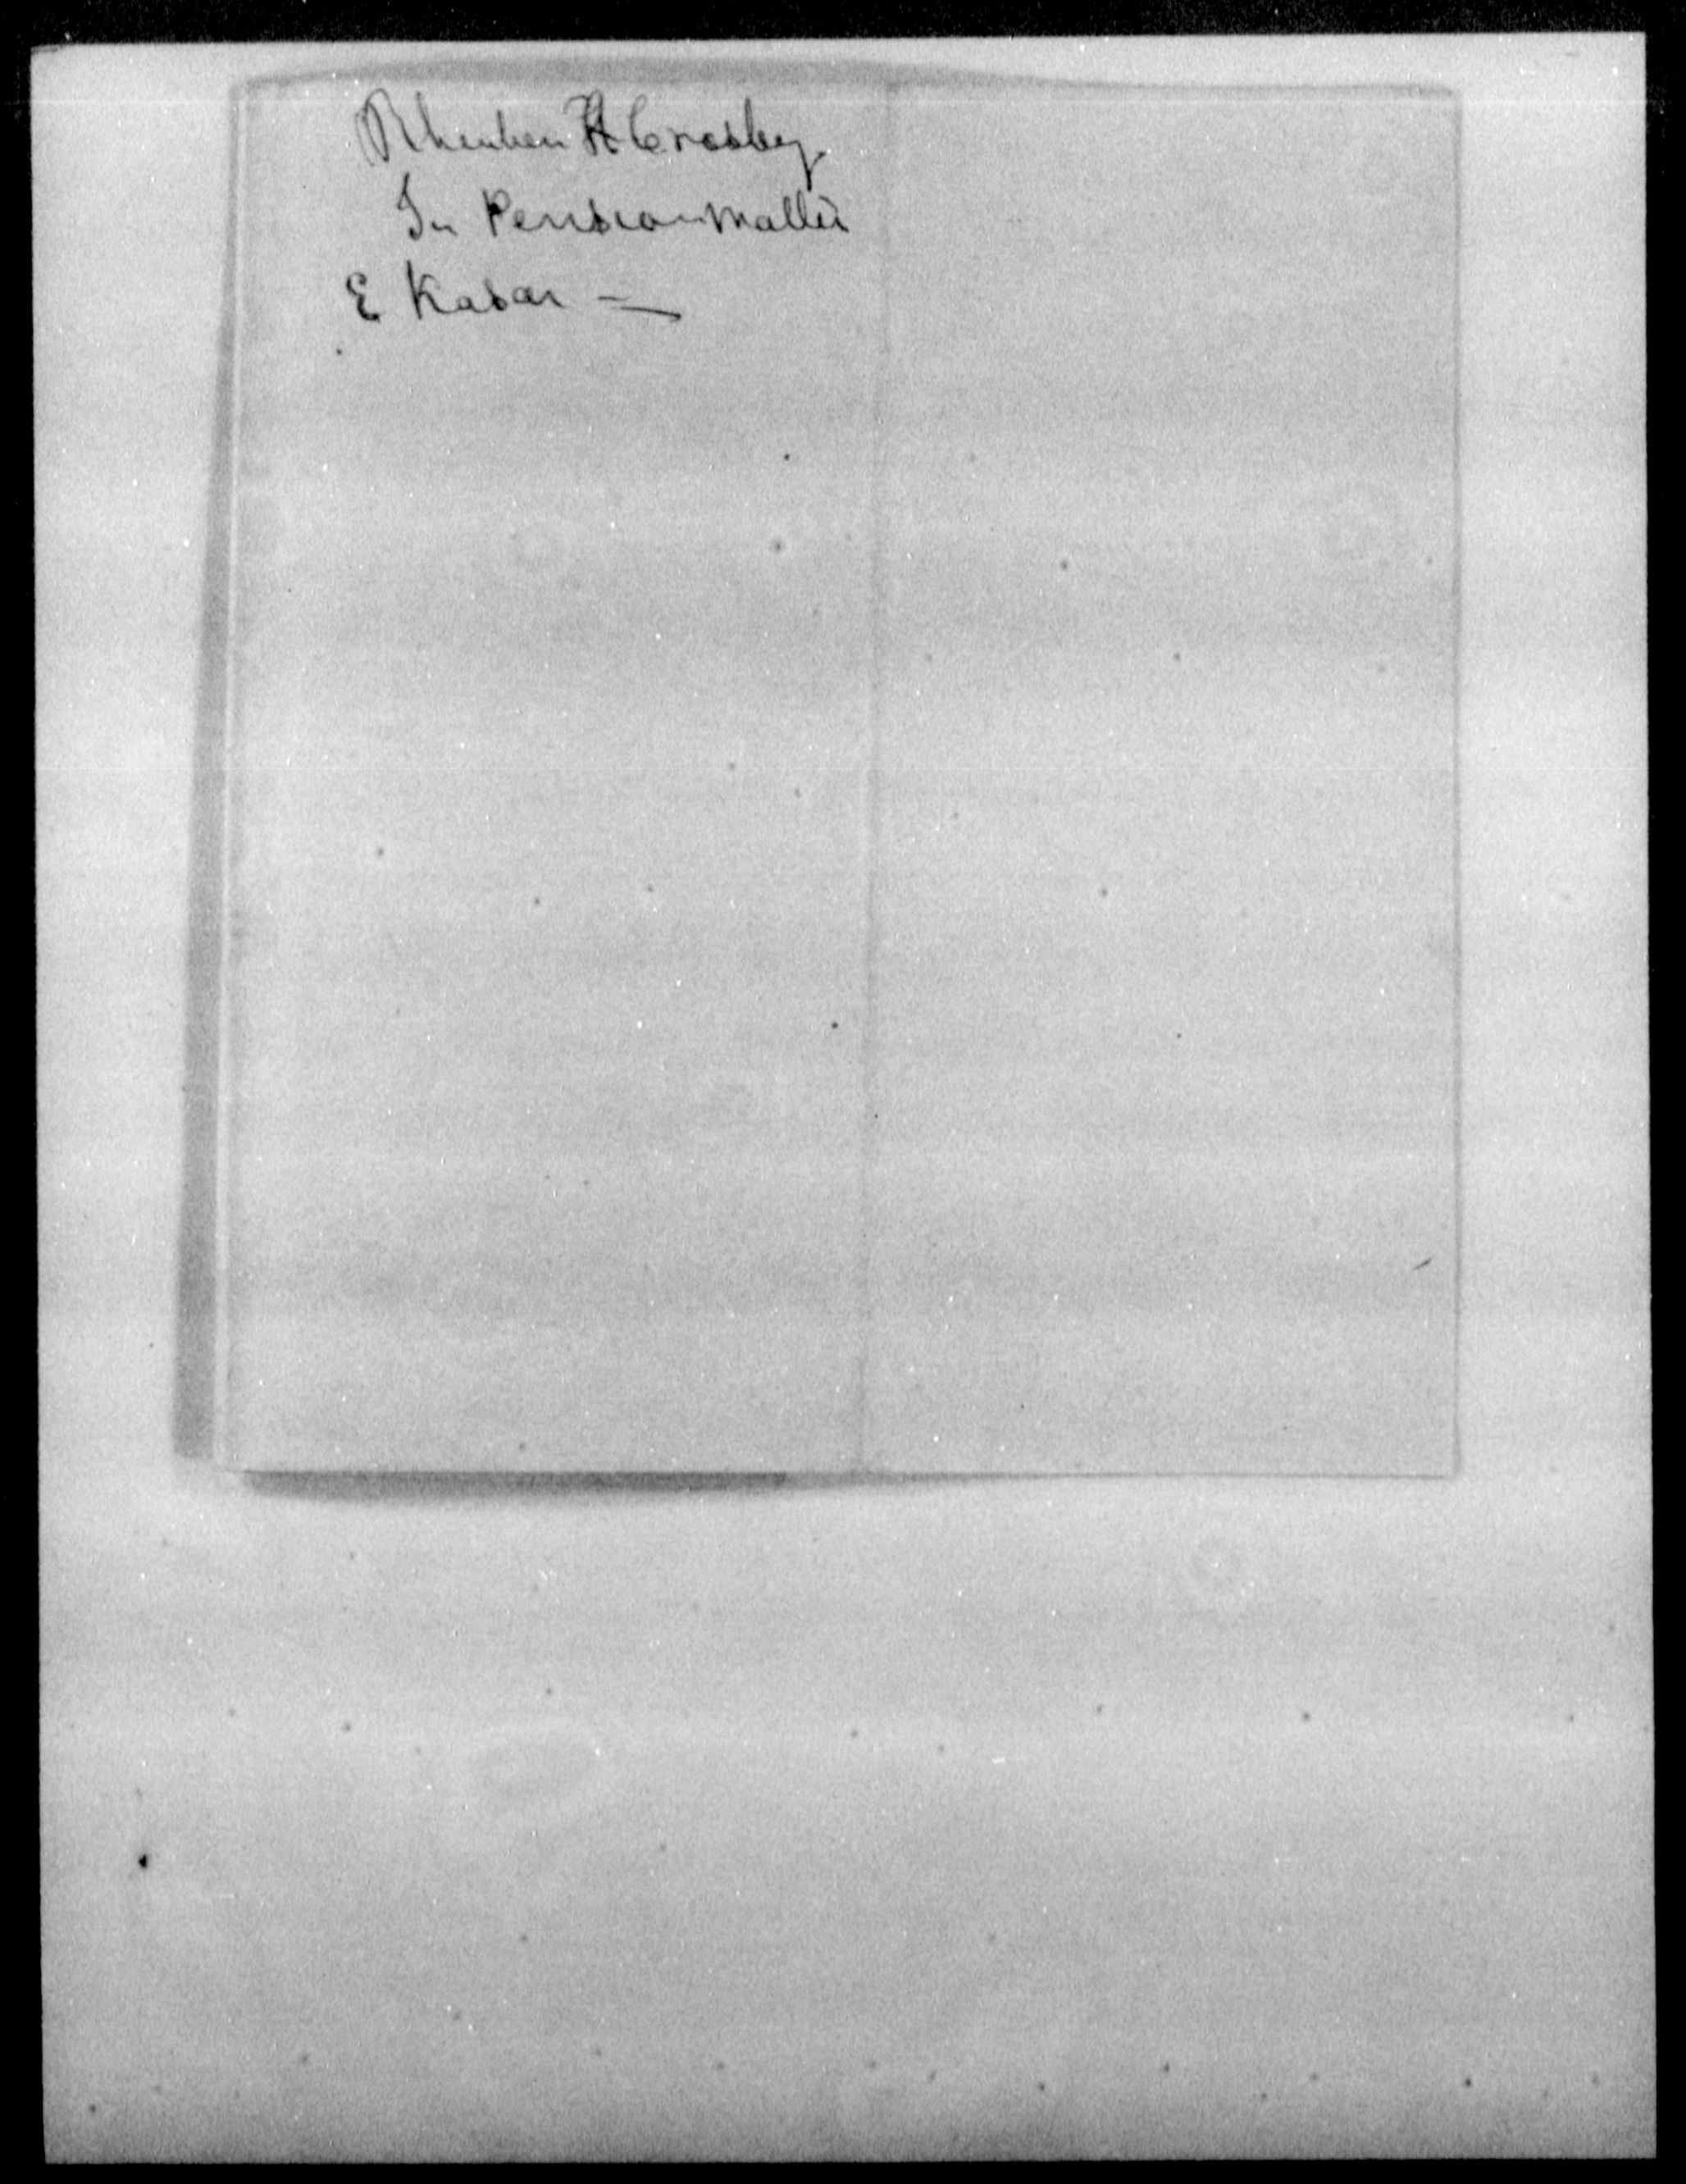Rheuben H. Crosley
In Pension Matter
E. Rasar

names: E Rasar; Rheuben H Crosby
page: 17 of 30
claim: rejected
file: R. 8625, for Elisha Razar, Connecticut